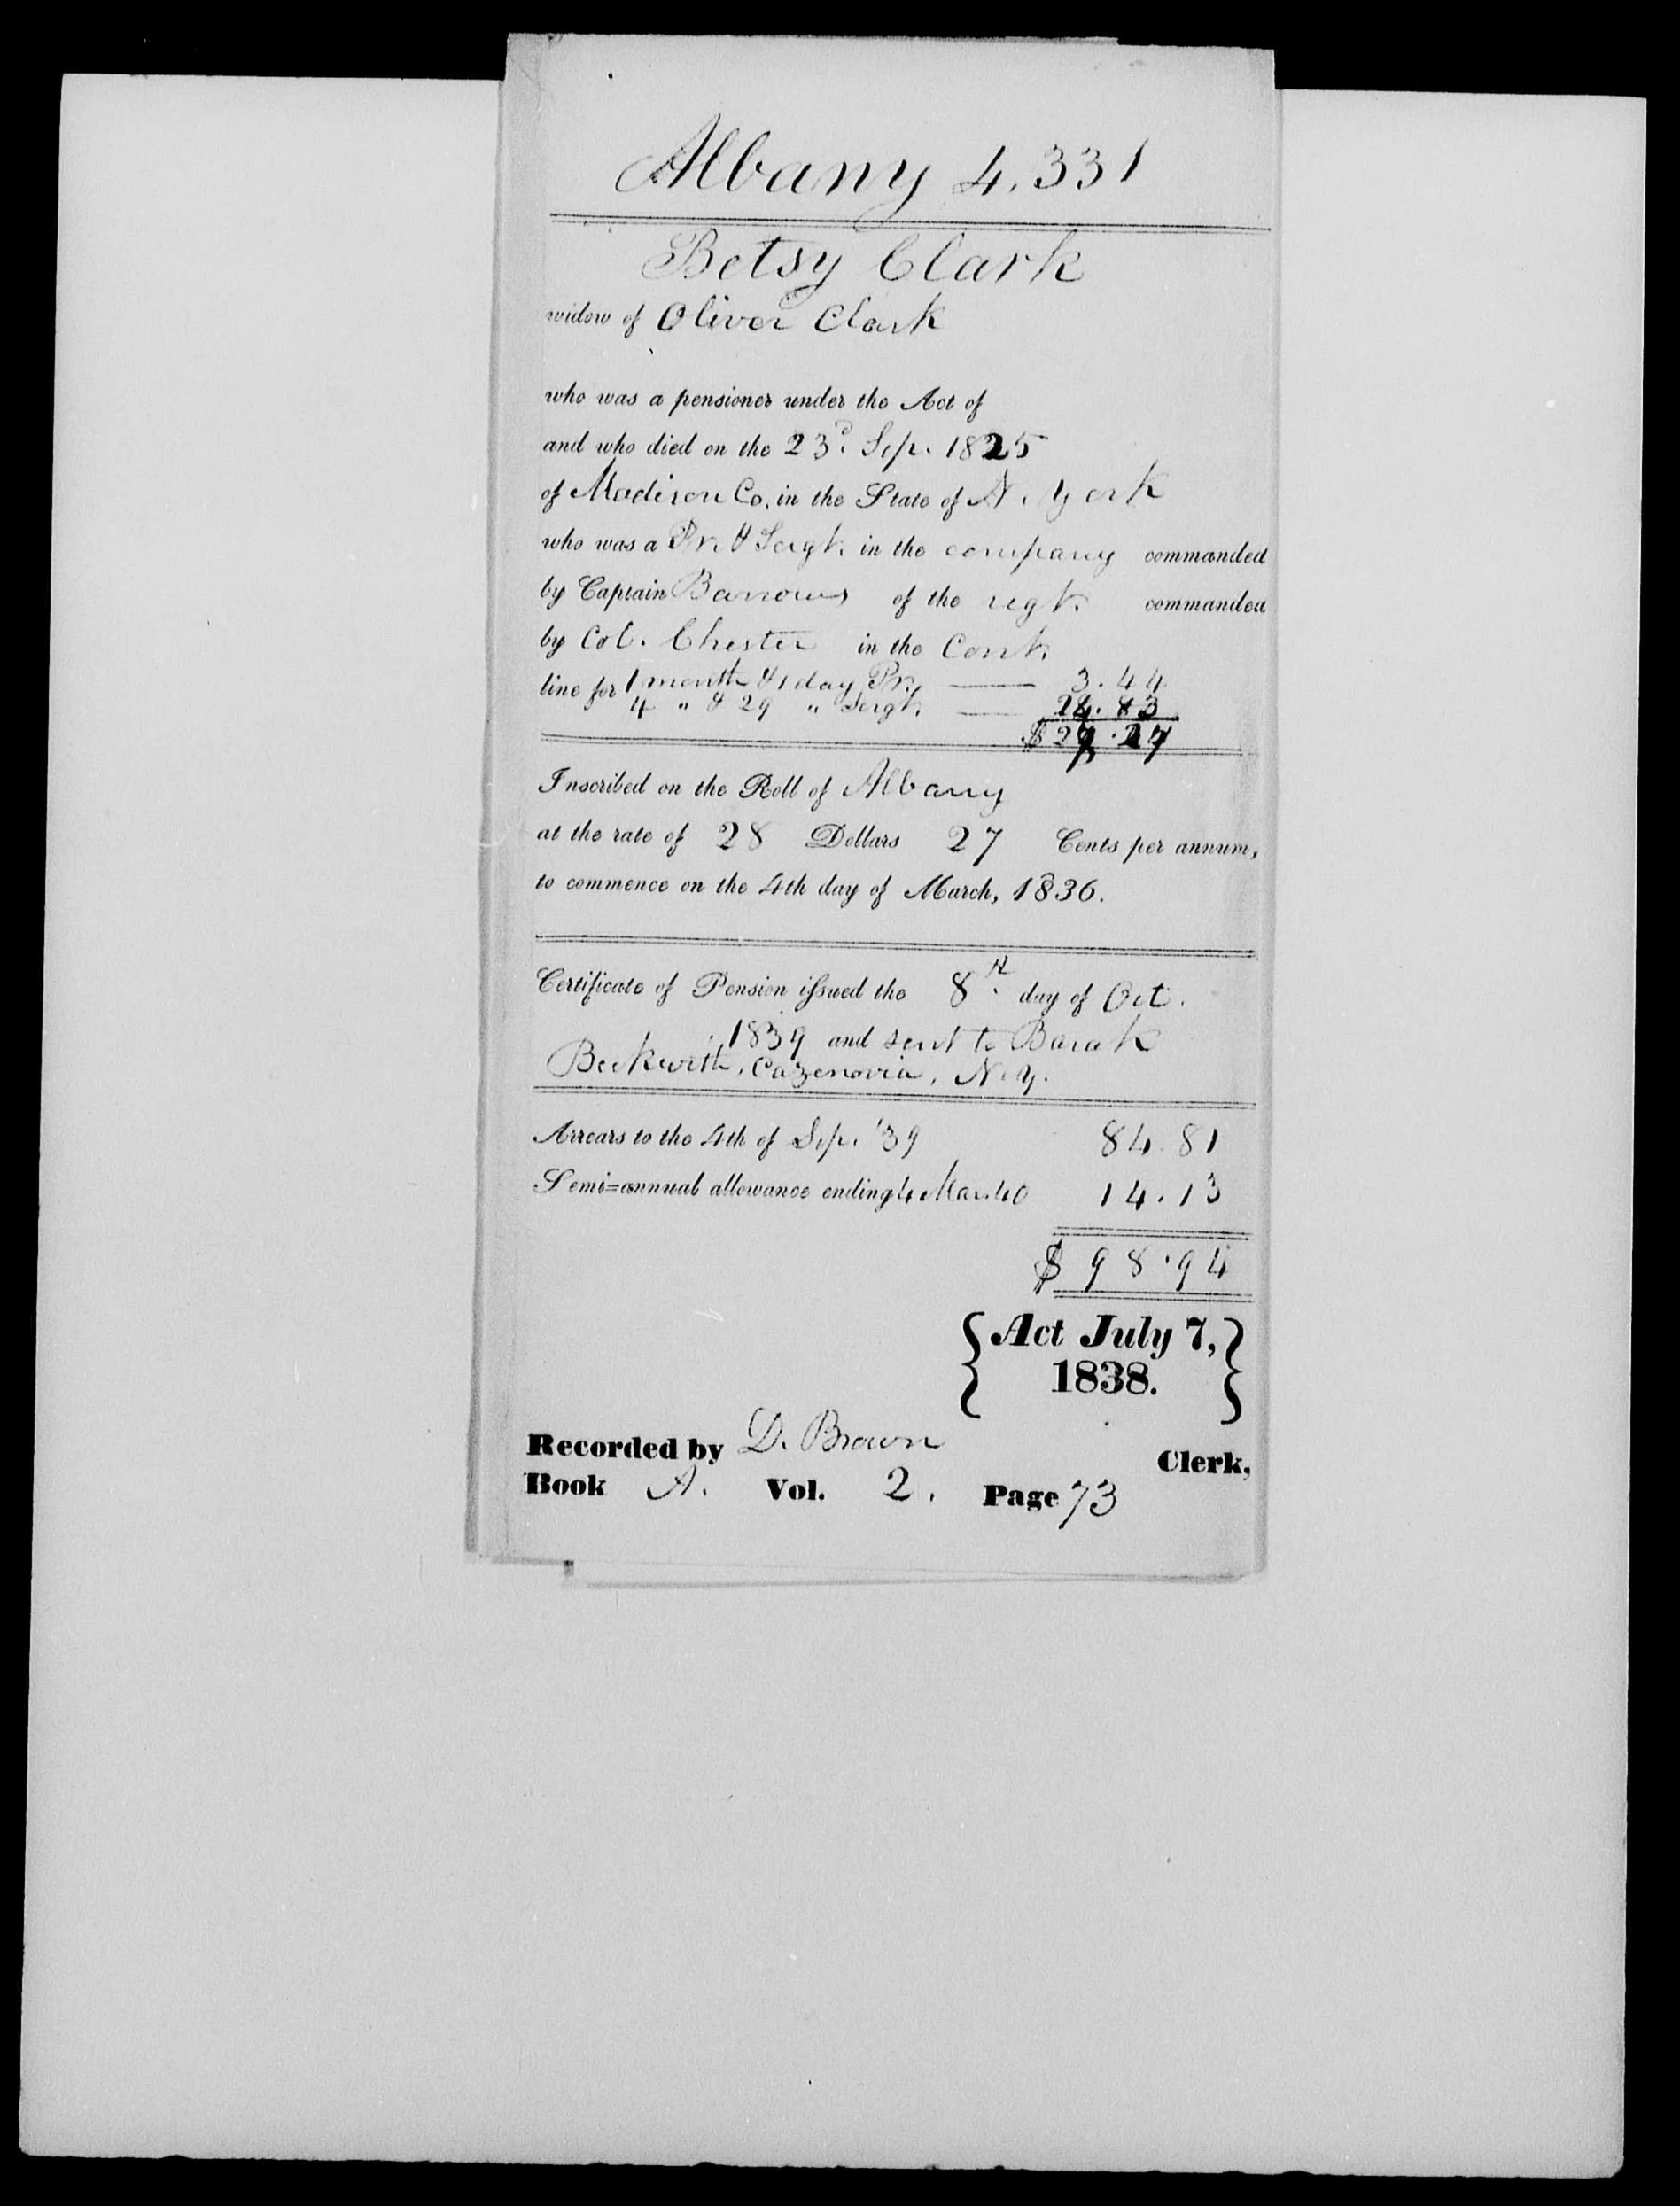[handwritten on printed form]
Albany 4.331
Betsy Clark
widow of Oliver Clark
who was a pensioner under the Act of [blank]
and who died on the 23d. Sep. 1825
of Madison Co. in the State of N. York
who was a Pri & Sergt. in the company commanded 
by Captain Barrows of the regt. commanded
by Col. Chester in the Conn.
line for 1 month & 1 day Pr. ---     3.44
4 “ & 29 “ Sergt. –                          24.83
	                                             $28.27
Inscribed on the Roll of Albany
at the rate of 28 Dollars 27 Cents per annum, 
to commence the 4th day of March, 1836

Certificate of Pension issued the 8th day of Oct.
1839 and sent to Barak
Beckwith, Cazenovia, N.Y. 

Arrears to the 4th of Sep. ’39			                 84.81
Semi=annual allowanced ending 4 March 40	14.13
					                                         _____
					                                       $98.94
					                                {Act July 7, 
					                                      1838.}

Recorded by D. Brown Clerk,
Book A. Vol. 2. Page 73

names: Barak Beckwith, Oliver Clark, Chester, D Brown, Betsy Clark, Barrows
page: 37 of 51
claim: widow's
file: W. 23816, Oliver Clark, Conn.